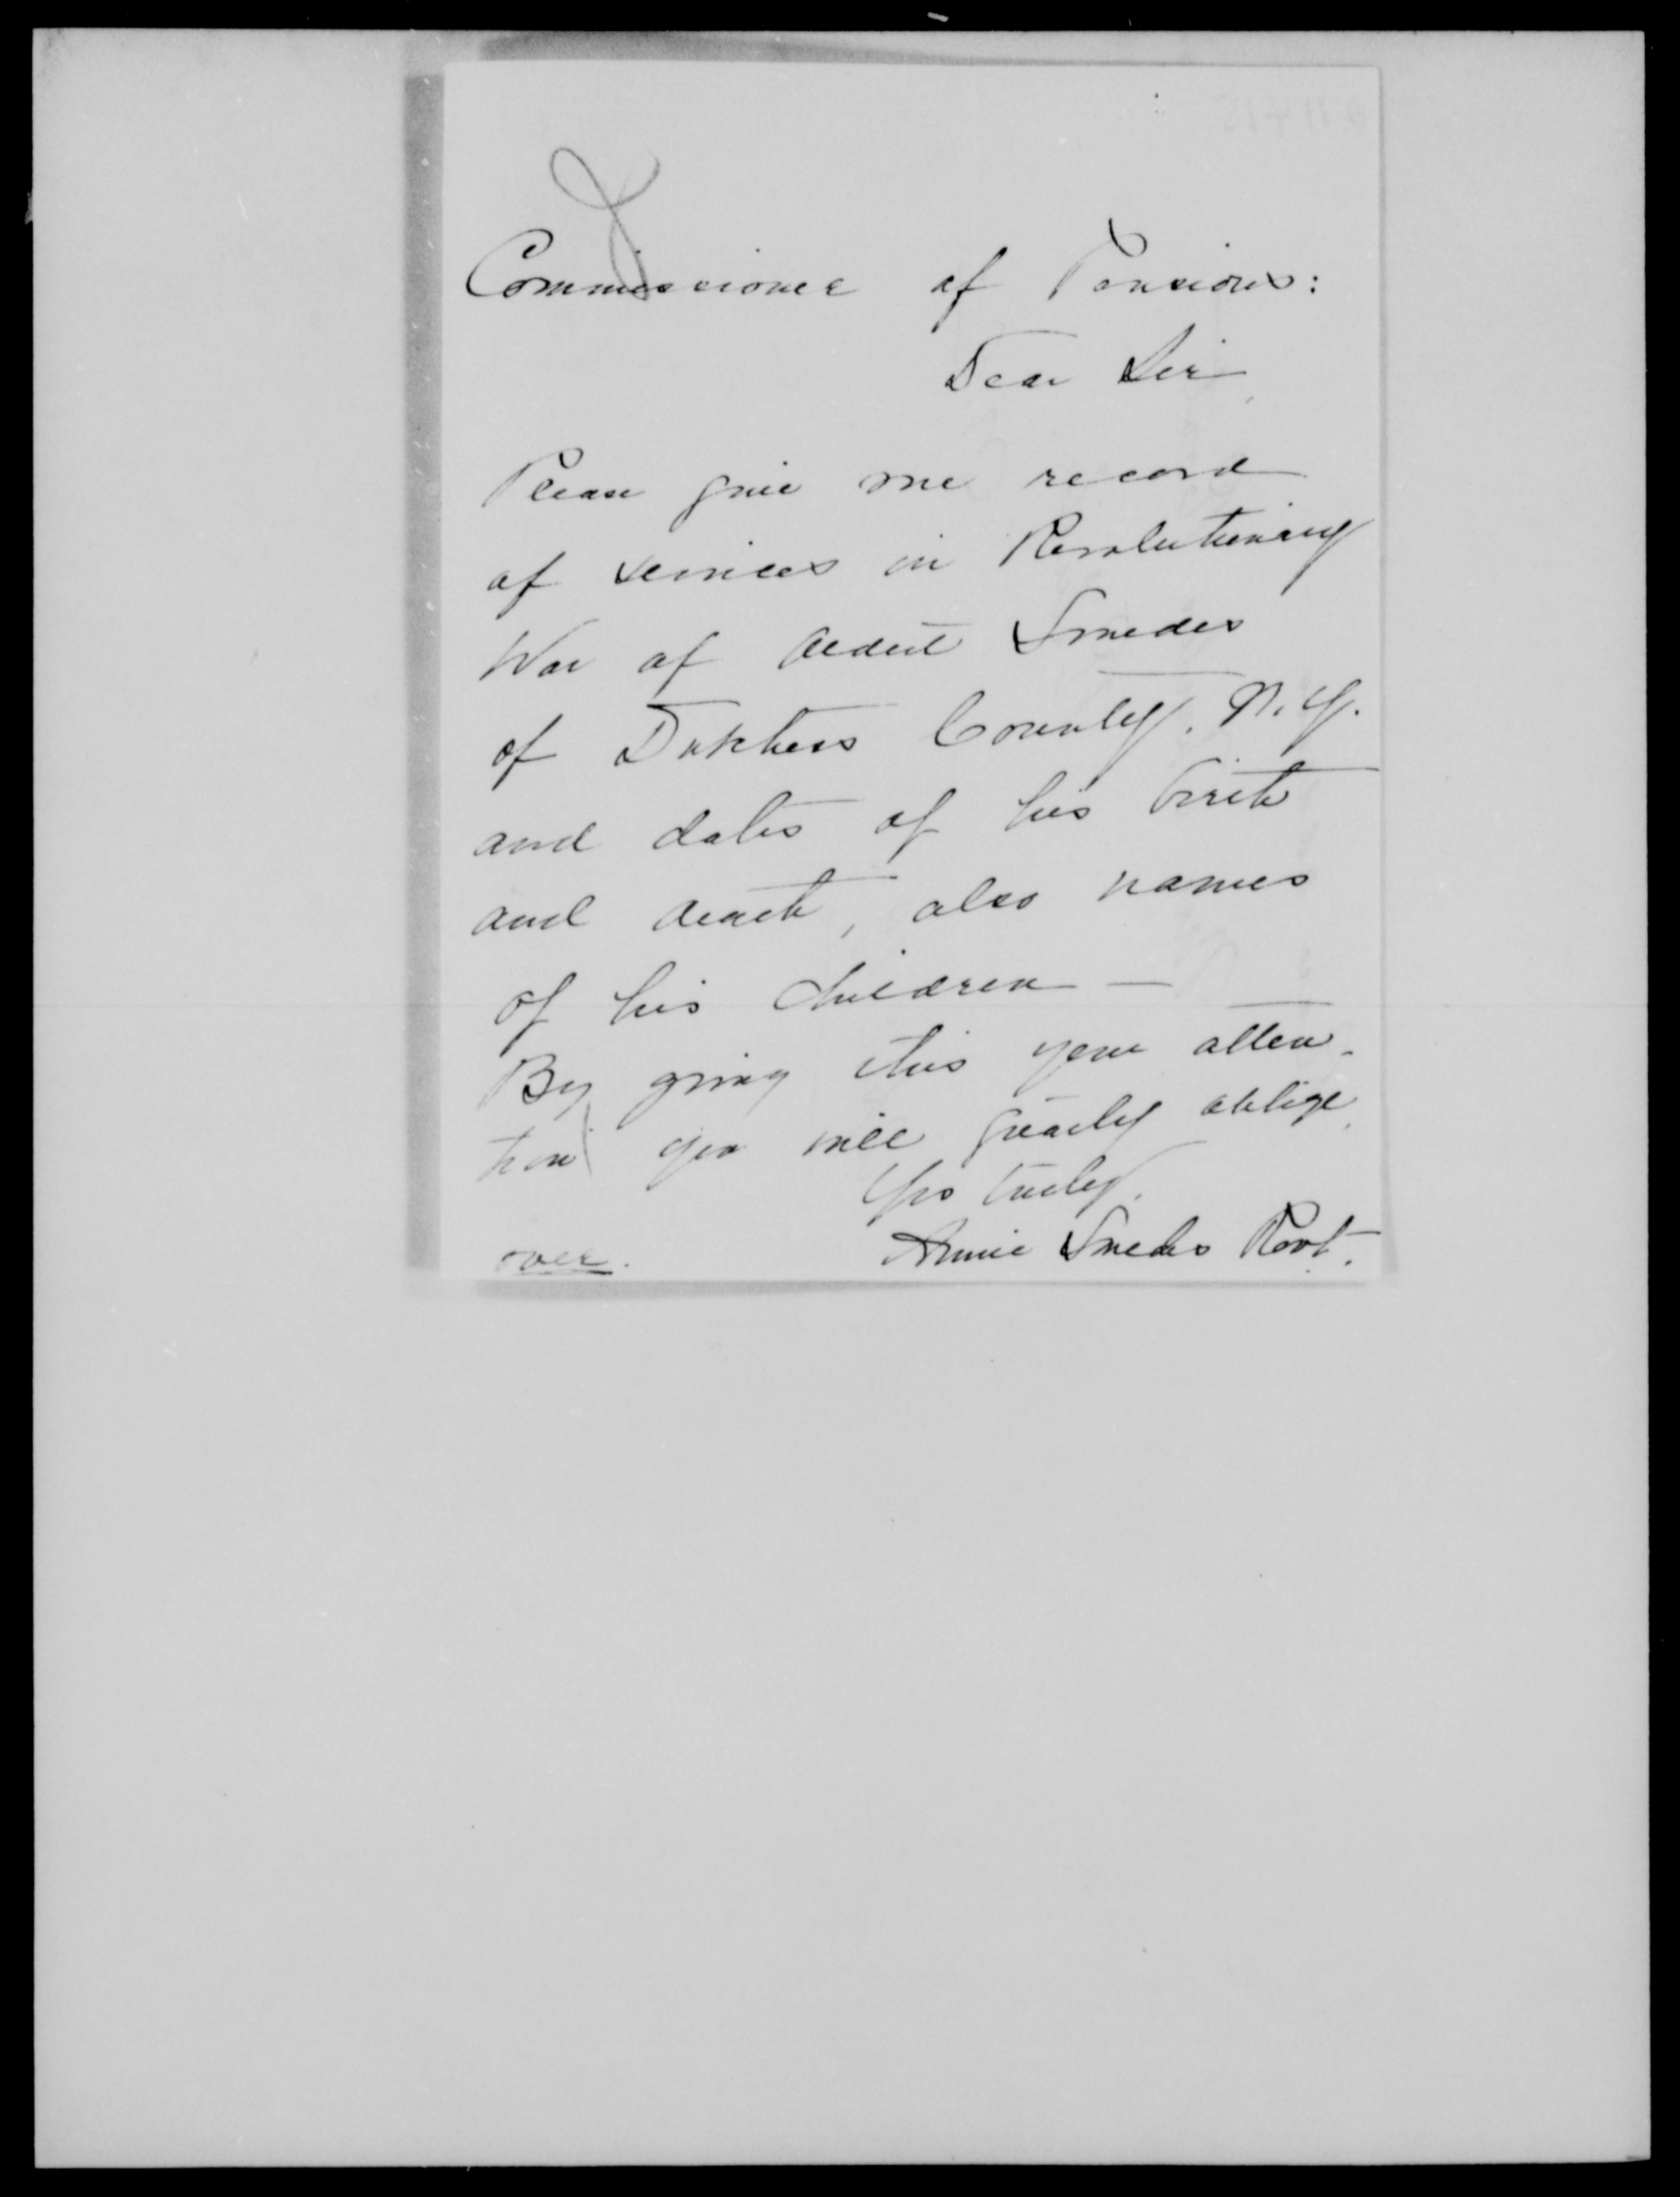[illegible]

Commissioner of Pension:
Dear Sir
Please give me record of Services in Revolutionary War of Aldert Smedes of Dutchess County, N.Y. and dates of his birth and death, also names of his children--
By giving this your attention you will greatly oblige.
Yrs. truly,
Annie Smedes Root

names: Annie Smedes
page: 25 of 29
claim: survivor's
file: S. 11415, for Aldert Smedes, New York